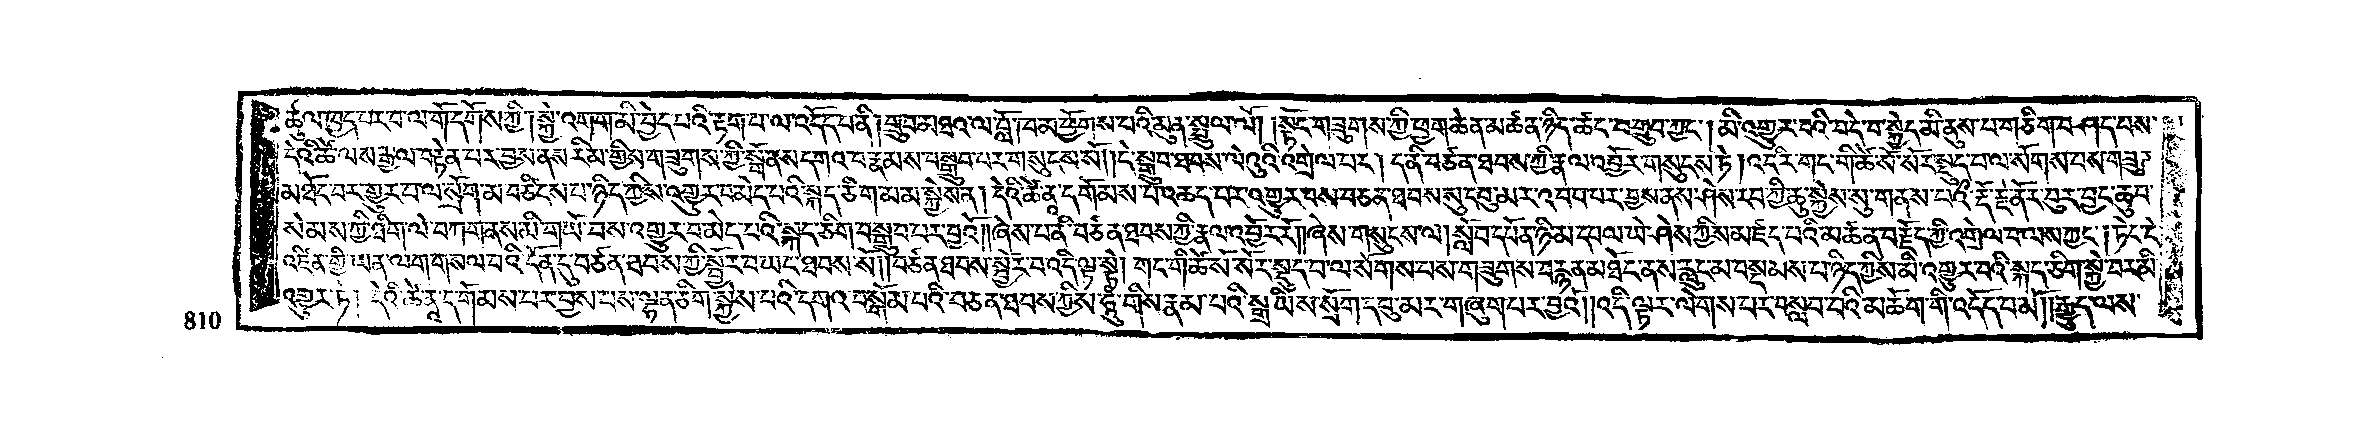ཚུལ་ཁྱད་པར་བ་ལ་གོ་དགོས་ཀྱི། སྐྱེ་འགག་མི་བྱེད་པའི་རྟག་པ་ལ་འདོད་པ་ནི། གྲུབ་མཐའ་ལ་བློ་ཁ་མ་ཕྱོགས་པའི་མུན་སྤྲུལ་ལོ། །སྟོང་གཟུགས་ཀྱི་ཕྱག་ཆེན་མཚན་ཉིད་ཚང་བ་གྲུབ་ཀྱང་། མི་འགྱུར་བའི་བདེ་བ་སྐྱེད་མི་ནུས་པ་གཅིག་བཤད་པས་
དེའི་ཚེ་ལས་རྒྱལ?་བརྟེན་པར་བྱས་ནས་རིམ་གྱིས་གཟུགས་ཀྱི་སྒོ་ནས་དགའ་བ་རྣམས་བསྒྲུབ་པར་གསུངས་སོ། །དེ་སྒྲུབ་ཐབས་ལེའུའི་འགྲེལ་པར། ད་ནི་བཙན་ཐབས་ཀྱི་རྣལ་འབྱོར་གསུངས་ཏེ། འདིར་གང་གི་ཚེ་སོ་སོར་སྡུད་པ་ལ་སོགས་པས་གཟུགས་
མཐོང་བར་གྱུར་པ་ལ་སྲོག་མ་བཅིངས་པ་ཉིད་ཀྱིས་འགྱུར་བ་མེད་པའི་སྐད་ཅིག་མ་མ་སྐྱེས་ན། དེའི་ཚེ་ནཱ་དགོམས་པ་འཆད་པར་འགྱུར་བས་བཙན་ཐབས་སུ་དབུ་མར་འབབ་པར་བྱས་ནས་ཤེས་རབ་ཀྱི་ཆུ་སྐྱེས་སུ་གནས་པའི་རྡོ་རྗེ་ནོར་བུར་བྱང་ཆུབ་
སེམས་ཀྱི་ཐིག་ལེ་བཀག་ནས་མི་གཡོ་བས་འགྱུར་བ་མེད་པའི་སྐད་ཅིག་བསྒྲུབ་པར་བྱའོ། །ཞེས་པ་ནི་བཙན་ཐབས་ཀྱི་རྣལ་འབྱོར་རོ། །ཞེས་གསུངས་ལ། སློབ་དཔོན་ཉི་མ་དཔལ་ཡེ་ཤེས་ཀྱིས་མཛད་པའི་མཚན་བརྗོད་ཀྱི་འགྲེལ་བ་ལས་ཀྱང་། ཏིང་ངེ་
འཛིན་གྱི་ཡན་ལག་གསལ་བའི་དོན་དུ་བཙན་ཐབས་ཀྱི་སྦྱོར་བ་ཡང་ཐབས་སོ། །བཙན་ཐབས་སྦྱོར་བ་འདི་ལྟ་སྟེ། གང་གི་ཚེ་སོ་སོར་སྡུད་པ་ལ་སོགས་པས་གཟུགས་བརྙན་མཐོང་ནས་རླུང་མ་བསྡམས་པ་ཉིད་ཀྱིས་མི་འགྱུར་བའི་སྐད་ཅིག་སྐྱེ་བར་མི་
འགྱུར་ཏེ། དེའི་ཚེ་ནཱ་ད་གོམས་པར་བྱས་པས་ལྷན་ཅིག་སྐྱེས་པའི་དགའ་བསྒོམ་པའི་བཙན་ཐབས་ཀྱིས་ཧཱུཾ་གིས་རྣམ་པའི་སྒྲ་ཡིས་སྲོག་དབུ་མར་གཞུག་པར་བྱའོ། །འདི་ལྟར་ལེགས་པར་བསླབ་པའི་མཆོག་གི་འདོད་པ་མོ། །རྒྱུད་ལས་